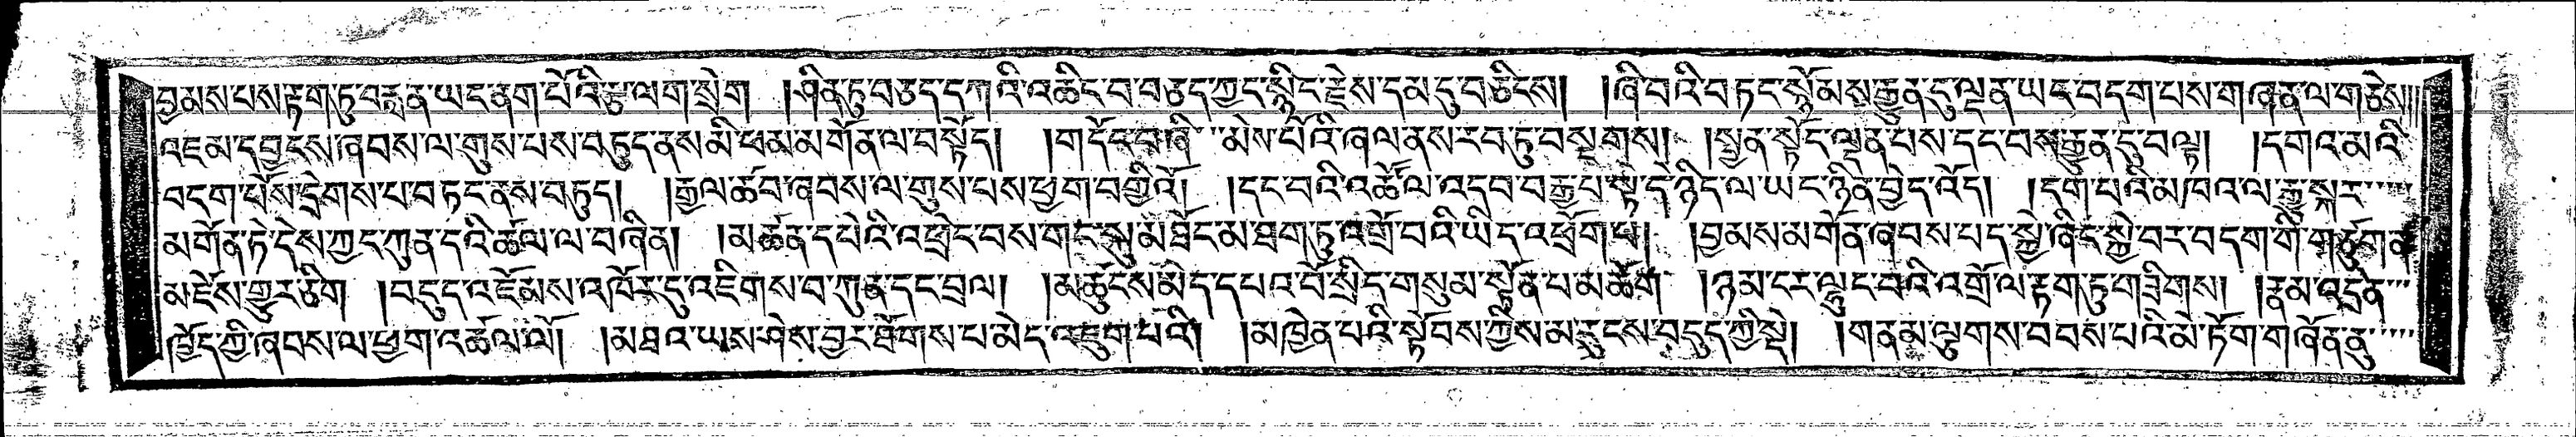བྱམས་པས་རྟག་ཏུ་བརླན་ཡང་ནག་པོའི་རྩ་ལག་སྲེག །ཤིན་ཏུ་བཅད་དཀའི་འཆིང་བ་བཅད་ཀྱང་སྙིང་རྗེས་དམ་དུ་བཅིངས། །ཞི་བའི་བཏང་སྙོམས་རྒྱུན་དུ་ལྡན་ཡང་བདག་པས་གཞན་ལ་གཅེས། །
འཇམ་དབྱངས་ཞབས་ལ་གུས་པས་བཏུད་ནས་མི་ཕམ་མགོན་ལ་བསྟོད། །གདོང་བཞི་མེས་པོའི་ཞལ་ནས་རབ་ཏུ་བསྔགས། །སྤྱན་སྟོང་ལྡན་པས་དང་བས་རྒྱུན་དུ་བལྟ། །དགའ་མའི་
བདག་པོས་དྲེགས་པ་བཏང་ནས་བཏུད། །རྒྱལ་ཚབ་ཞབས་ལ་གུས་པས་ཕྱག་བགྱིའོ། །དང་བའི་འཚོལ་འདབ་བརྒྱ་པ་སྟེ་དེ་ཉིད་ལ་ཡང་ཉིན་བྱེད་འོད། །དག་པའི་མཁའ་ལ་རྒྱུ་སྐར་
མགོན་ཏེ་དེས་ཀྱང་ཀུན་དའི་ཚལ་ལ་བཞིན། །མཚན་དཔེའི་འཕྲེང་བས་གང་སྐུ་མཐོང་མ་ཐག་ཏུ་འགྲོ་བའི་ཡིད་འཕྲོག་པ། །བྱམས་མགོན་ཞབས་པད་སྐྱེ་ཞིང་སྐྱེ་བར་བདག་གི་གཙུག་ན་
མཛེས་གྱུར་ཅིག །བདུད་འཇོམས་འཁོར་དུ་འཇིགས་པ་ཀུན་དང་བྲལ། །མཚུངས་མེད་དཔའ་བོ་སྲིད་གསུམ་སྟོན་པ་མཆོག །ཉམ་ངར་ལྷུང་བའི་འགྲོ་ལ་རྟག་ཏུ་གཟིགས། །རྣམ་འདྲེན་
ཁྱོད་ཀྱི་ཞབས་ལ་ཕྱག་འཚལ་ལོ། །མཐའ་ཡས་ཤེས་བྱར་ཐོགས་པ་མེད་འཇུག་པའི། །མཁྱེན་པའི་སྟོབས་ཀྱིས་མ་རུངས་བདུད་ཀྱི་སྡེ། །གནམ་ལྕགས་བབས་པའི་མེ་ཏོག་གཞོན་ནུ་